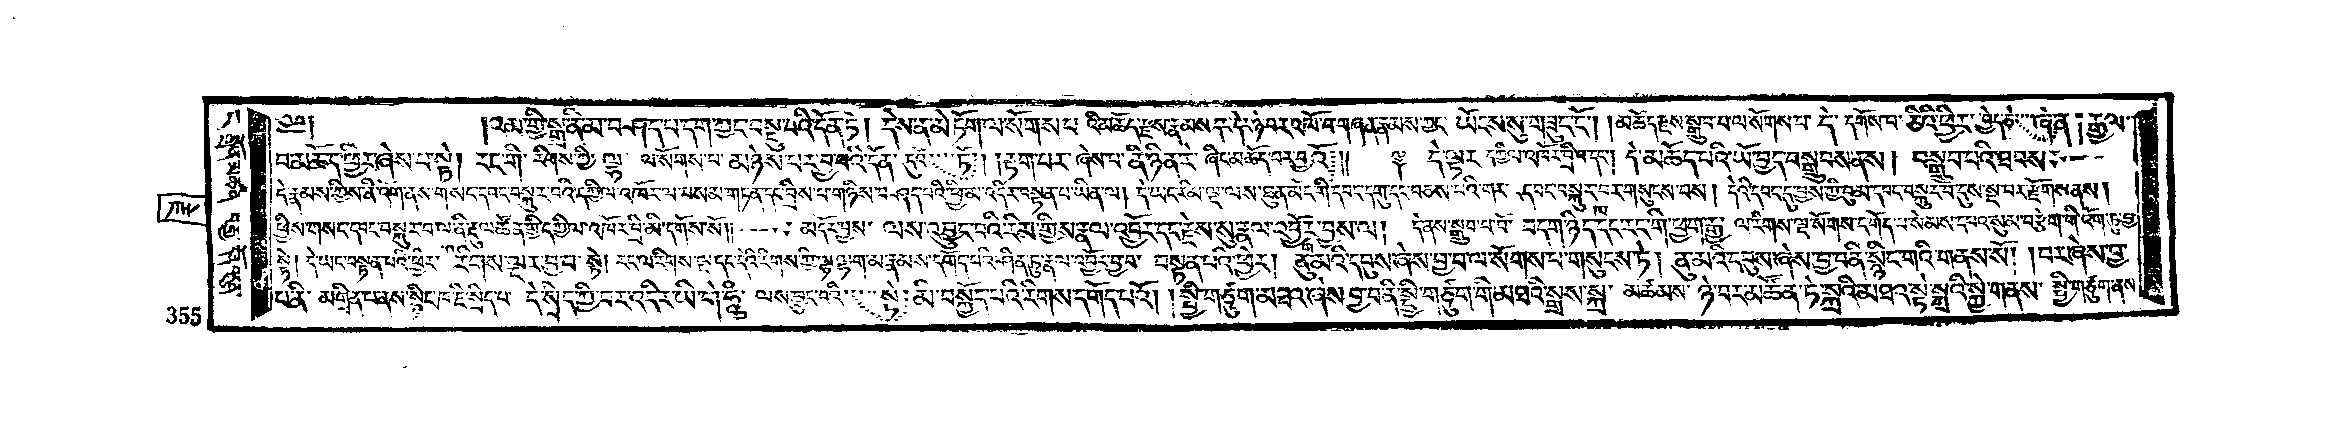༄༅། །འམ་གྱི་སྒྲ་ནི་མ་བཤད་པ་དག་ཀྱང་བསྡུ་བའི་དོན་ཏེ། དེས་ན་མེ་ཏོག་ལ་སོགས་པའི་མཆོད་རྫས་རྣམས་དང་དེར་ཉེ་བར་འཁོ་བ་གཞན་རྣམས་ཀྱང་ཡོངས་སུ་གཟུང་ངོ། །མཆོད་རྫས་སྒྲུབ་པ་ལ་སོགས་པ་དེ་དགོས་པ་ཅིའི་ཕྱིར་བྱེད་ཅེ་ཞེ་ན། རྒྱལ་
བ་མཆོད་ཕྱིར་ཞེས་པ་སྟེ། རང་གི་རིགས་ཀྱི་ལྷ་ལ་སོགས་པ་མཉེས་པར་བྱ་བའི་དོན་དུའི་ཏོ། །རྟག་པར་ཞེས་པ་ནི་ཉིན་རེ་ཞིང་མཆོད་པར་བྱའོ།།  ༈ དེ་ལྟར་དཀྱིལ་འཁོར་བྲི་བ་དང་། དེ་མཆོད་པའི་ཡོ་བྱད་བསྒྲུབས་ནས། བསྒྲུབ་པའི་ཐབསཿ
དེ་རྣམས་ཀྱིས་ནི་འོག་ནས་གསང་དབང་བསྐུར་བའི་དཀྱིལ་འཁོར་ལ་བསམ་གཏན་དང་བྲིས་པ་གཉིས་བཤད་པའི་ཕྱི་མ་འདིར་བསྟན་པ་ཡིན་ལ། དེ་ཡང་རིམ་ལྔ་ལས་ཐུན་མོང་གི་དབང་དགུ་དང་བཅས་པའི་གསང་དབང་བསྐུར་བར་གསུངས་པས། དེའི་དབང་དུ་བྱས་ཀྱི་བུམ་དབང་བསྐུར་བ་དུས་སྔ་བར་རྫོགས་ནས།
ཕྱིས་གསང་དབང་བསྐུར་བ་ལ་ནི་རྡུལ་ཚོན་གྱི་དཀྱིལ་འཁོར་བྲི་མི་དགོས་སོ།། .Hམདོར་བྱས་ལས་འབྱུང་བའི་རིམ་གྱིས་རྣལ་འབྱོར་དང་རྗེས་སུ་རྣལ་འབྱོར་བྱས་ལ། དེ་ནས་སྒྲུབ་པ་པོ་བདག་ཉིད་ཁ་དང་རང་གི་ཕྱག་རྒྱ་ལ་རིགས་ལྔ་སོགས་དགོད་པ་སེམས་དཔའ་སུམ་བརྩེག་གི་འོག་ཏུ་བྱ་
སྟེ། དེ་ཡང་བསྟན་པའི་ཕྱིར་ཀ་རིགས་ལྔར་བྱ་བ་སྟེ། རང་ལ་རིགས་ལྔ་དང་དེའི་རིགས་ཀྱི་ལྷ་ལྷག་མ་རྣམས་དགོད་པའི་ཤིན་ཏུ་རྣལ་འབྱོར་བྱ་བ་བསྟན་པའི་ཕྱིར། ག་ནུ་མའི་དབུས་ཞེས་བྱ་བ་ལ་སོགས་པ་གསུངས་ཏེ། ནུ་མའི་དབུས་ཞེས་བྱ་བ་ནི་སྙིང་གའི་གནས་སོ། །བར་ཞེས་བྱ་
པ་ནི་མགྲིན་པ་ནས་སྙིང་ཁ་ཇི་སྲིད་པ་དེ་སྲིད་ཀྱི་བར་འདིར་ཡི་གེ་ཧཱུཾ་ལས་བྱུང་བའི་སྟེ་མི་བསྐྱོད་པའི་རིགས་དགོད་པའོ། །སྤྱི་གཙུག་མཐའ་ཞེས་བྱ་བ་ནི་སྤྱི་གཙུག་གི་མཐའི་སྒྲས་སྐྲ་མཚམས་ཉེ་བར་མཚོན་ཏེ་སྐྲའི་མཐའ་སྟེ་སྐྲའི་སྐྱེ་གནས་སྤྱི་གཙུག་ནས་